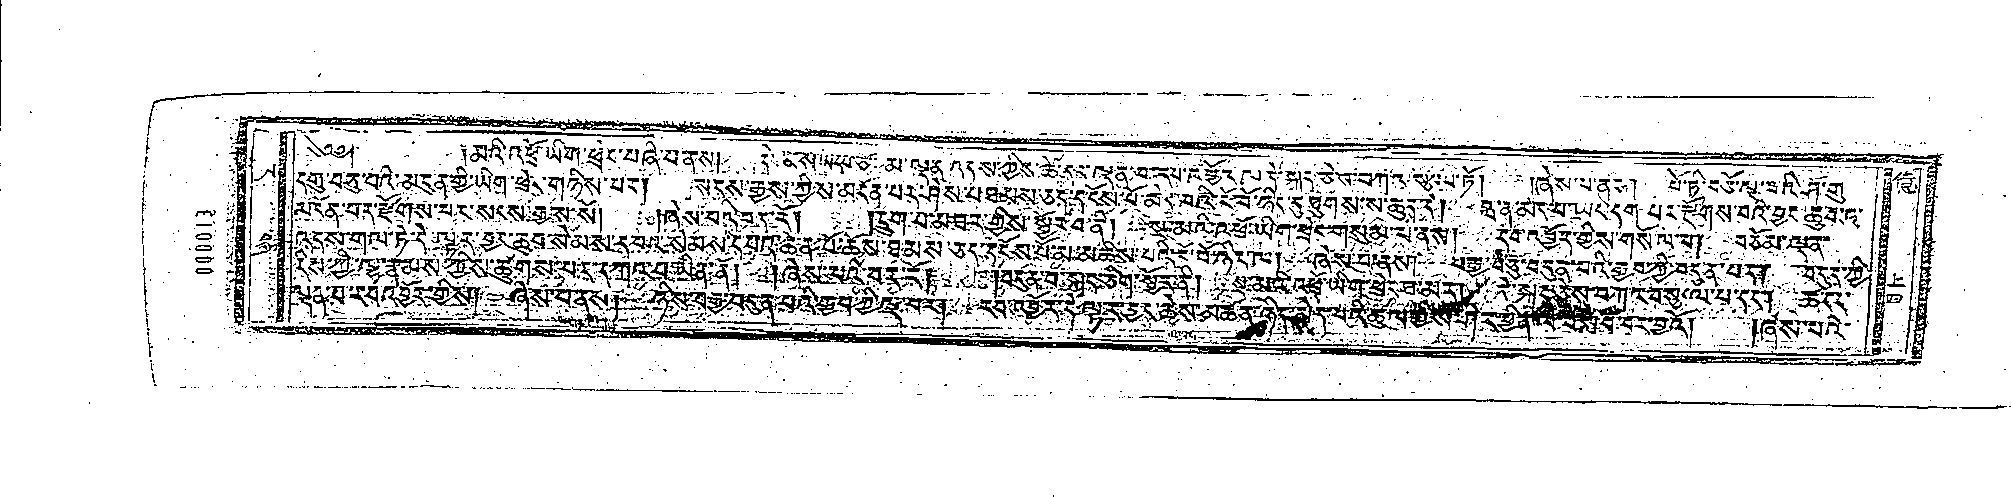༄༅། །མའི་འཕྲོ་ཡིག་ཕྲེང་བཞི་པ་ནས། དེ་ནས་ཡང་བཅོམ་ལྡན་འདས་ཀྱིས་ཚེ་དང་ལྡན་བ་རབ་འབྱོར་ལ་དེ་སྐད་ཅེས་བཀའ་སྩལ་ཏོ། །ཞེས་པ་ནས། པོ་ཏི་བཅོ་ལྔ་བའི་ཤོ་གུ་
དགུ་བཅུ་པའི་མདུན་གྱི་ཡིག་ཕྲེང་གཉིས་པར། སངས་རྒྱས་ཀྱིས་མངོན་པར་ཤེས་པ་ཐམས་ཅད་དངོས་པོ་མེད་བའི་ངོ་བོ་ཉིད་དུ་ཐུགས་སུ་ཆུད་དེ། བླ་ན་མེད་པ་ཡང་དག་པར་རྫོགས་པའི་བྱང་ཆུབ་ཏུ་
མངོན་བར་རྫོགས་པར་སངས་རྒྱས་སོ། །ཞེས་བའི་བར་རོ། །དྲུག་བ་མཐར་གྱིས་སྦྱོར་བ་ནི། སྔ་མའི་འཕྲོ་ཡིག་ཕྲེང་གསུམ་པ་ནས། རབ་འབྱོར་གྱིས་གསོལ་པ། བཅོམ་ལྡན་
འདས་གལ་ཏེ་དེ་ལྟར་བྱང་ཆུབ་སེམས་དཔའ་སེམས་དཔའ་ཆེན་པོ་ཆོས་ཐམས་ཅད་དངོས་པོ་མ་མཆིས་པའི་ངོ་བོ་ཉིད་ལ། ཞེས་པ་ནས། བརྒྱ་བཅུ་བདུན་པའི་རྒྱབ་ཀྱི་བདུན་པར། བདུད་ཀྱི་
རིས་ཀྱི་ལྷ་རྣམས་ཀྱིས་ཚུགས་པར་དཀའ་བ་ཡིན་ནོ། །ཞེས་པའི་བར་རོ། །བདུན་པ་སྐད་ཅིག་སྦྱོར་ནི། སྔ་མའི་འཕྲོ་ཡིག་ཕྲེང་ཐ་མར། དེ་སྐད་ཅེས་བཀའ་བསྩལ་པ་དང་། ཚེ་དང་
ལྡན་པ་རབ་འབྱོར་གྱིས། ཞེས་པ་ནས། ཉིས་བརྒྱ་བདུན་པའི་རྒྱབ་ཀྱི་ལྔ་པར། རབ་འབྱོར་དེ་ལྟར་བྱང་ཆོས་མཚན་ཉིད་མེད་པའི་ཚུལ་གྱིས་ཤེས་ཕྱིན་ལ་བསླབ་བར་བྱའོ། །ཞེས་པའི་